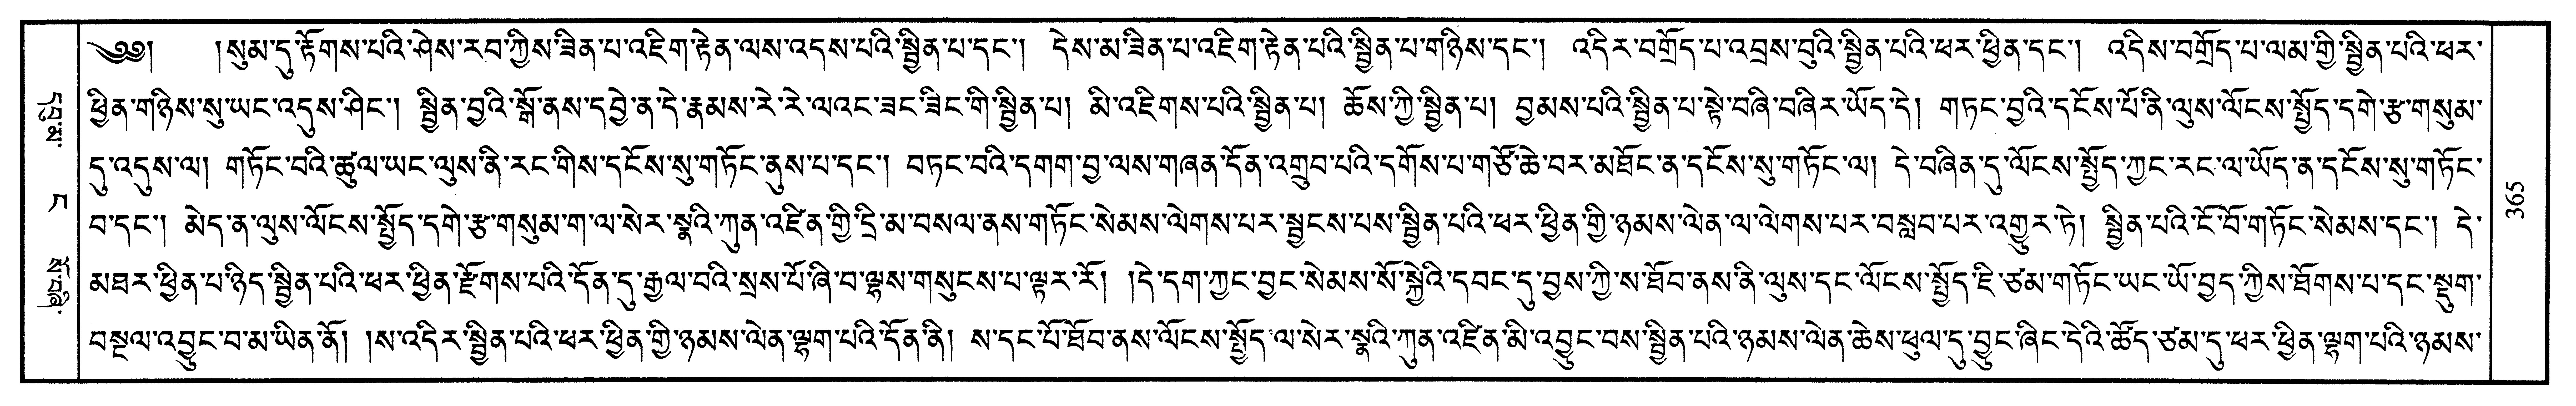༄༅། །སུམ་དུ་རྟོགས་པའི་ཤེས་རབ་ཀྱིས་ཟིན་པ་འཇིག་རྟེན་ལས་འདས་པའི་སྦྱིན་པ་དང་། དེས་མ་ཟིན་པ་འཇིག་རྟེན་པའི་སྦྱིན་པ་གཉིས་དང་། འདིར་བགྲོད་པ་འབྲས་བུའི་སྦྱིན་པའི་ཕར་ཕྱིན་དང་། འདིས་བགྲོད་པ་ལམ་གྱི་སྦྱིན་པའི་ཕར་
ཕྱིན་གཉིས་སུ་ཡང་འདུས་ཤིང་། སྦྱིན་བྱའི་སྒོ་ནས་དབྱེ་ན་དེ་རྣམས་རེ་རེ་ལའང་ཟང་ཟིང་གི་སྦྱིན་པ། མི་འཇིགས་པའི་སྦྱིན་པ། ཆོས་ཀྱི་སྦྱིན་པ། བྱམས་པའི་སྦྱིན་པ་སྟེ་བཞི་བཞིར་ཡོད་དེ། གཏང་བྱའི་དངོས་པོ་ནི་ལུས་ལོངས་སྤྱོད་དགེ་རྩ་གསུམ་
དུ་འདུས་ལ། གཏོང་བའི་ཚུལ་ཡང་ལུས་ནི་རང་གིས་དངོས་སུ་གཏོང་ནུས་པ་དང་། བཏང་བའི་དགག་བྱ་ལས་གཞན་དོན་འགྲུབ་པའི་དགོས་པ་གཙོ་ཆེ་བར་མཐོང་ན་དངོས་སུ་གཏོང་ལ། དེ་བཞིན་དུ་ལོངས་སྤྱོད་ཀྱང་རང་ལ་ཡོད་ན་དངོས་སུ་གཏོང་
བ་དང་། མེད་ན་ལུས་ལོངས་སྤྱོད་དགེ་རྩ་གསུམ་ག་ལ་སེར་སྣའི་ཀུན་འཛིན་གྱི་དྲི་མ་བསལ་ནས་གཏོང་སེམས་ལེགས་པར་སྦྱངས་པས་སྦྱིན་པའི་ཕར་ཕྱིན་གྱི་ཉམས་ལེན་ལ་ལེགས་པར་བསླབ་པར་འགྱུར་ཏེ། སྦྱིན་པའི་ངོ་བོ་གཏོང་སེམས་དང་། དེ་
མཐར་ཕྱིན་པ་ཉིད་སྦྱིན་པའི་ཕར་ཕྱིན་རྫོགས་པའི་དོན་དུ་རྒྱལ་བའི་སྲས་པོ་ཞི་བ་ལྷས་གསུངས་པ་ལྟར་རོ། །དེ་དག་ཀྱང་བྱང་སེམས་སོ་སྐྱེའི་དབང་དུ་བྱས་ཀྱི་ས་ཐོབ་ནས་ནི་ལུས་དང་ལོངས་སྤྱོད་ཇི་ཙམ་གཏོང་ཡང་ཡོ་བྱད་ཀྱིས་ཐོགས་པ་དང་སྡུག་
བསྔལ་འབྱུང་བ་མ་ཡིན་ནོ། །ས་འདིར་སྦྱིན་པའི་ཕར་ཕྱིན་གྱི་ཉམས་ལེན་ལྷག་པའི་དོན་ནི། ས་དང་པོ་ཐོབ་ནས་ལོངས་སྤྱོད་ལ་སེར་སྣའི་ཀུན་འཛིན་མི་འབྱུང་བས་སྦྱིན་པའི་ཉམས་ལེན་ཆེས་ཕུལ་དུ་བྱུང་ཞིང་དེའི་ཚོད་ཙམ་དུ་ཕར་ཕྱིན་ལྷག་པའི་ཉམས་